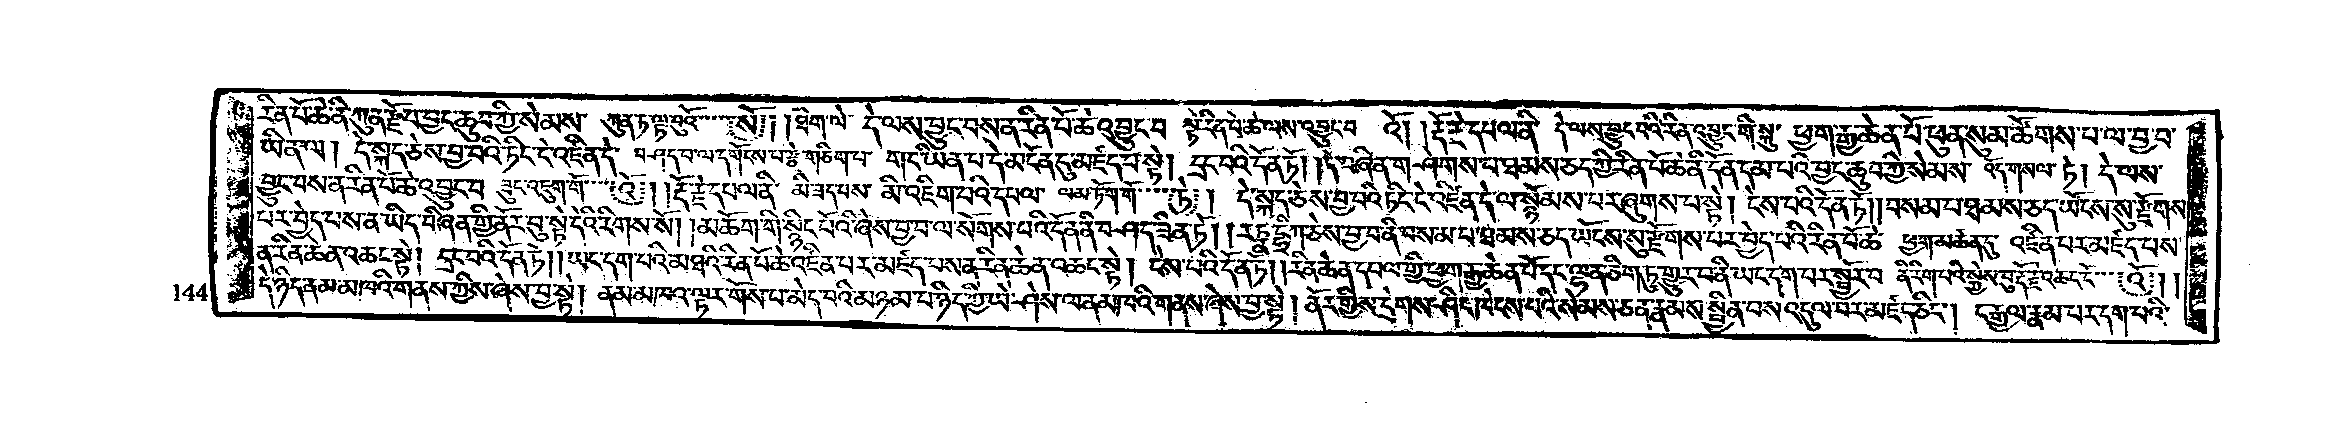རིན་པོ་ཆེ་ནི་ཀུན་རྫོབ་བྱང་ཆུབ་ཀྱི་སེམས་ཀུན་ཏ་ལྟ་བུའོ་སོ། ། ཐིག་ལེ་དེ་ལས་བྱུང་བས་ན་རིན་པོ་ཆེ་འབྱུང་བ་སྟེ་རིན་པོ་ཆེ་ལས་འབྱུང་བ་འོ། །རྡོ་རྗེ་དཔལ་ནི་དེ་ལས་བྱུང་བའི་རིན་འབྱུང་གི་སྐུ་ཕྱག་རྒྱ་ཆེན་པོ་ཕུན་སུམ་ཚོགས་པ་ལ་བྱ་བ་
ཡིན་ལ། དེ་སྐད་ཅེས་བྱ་བའི་ཏིང་ངེ་འཛིན་དེ་བཤད་པ་ལ་དགོངས་པ་རྩེ་གཅིག་པ་གང་ཡིན་པ་དེ་མངོན་དུ་མཛད་པ་སྟེ། དྲང་བའི་དོན་ཏོ། །དེ་བཞིན་གཤེགས་པ་ཐམས་ཅད་ཀྱི་རིན་པོ་ཆེ་ནི་དོན་དམ་པའི་བྱང་ཆུབ་ཀྱི་སེམས་འོད་གསལ་ཏེ། དེ་ལས་
བྱུང་བས་ན་རིན་པོ་ཆེ་འབྱུང་བ་ཟུང་འཇུག་གོ་འོ། །རྡོ་རྗེ་དཔལ་ནི་མི་ཟད་པས་མི་འཇིག་པའི་དཔལ་ལམ་ཏོག་གོ་ཏེ། དེ་སྐད་ཅེས་བྱ་བའི་ཏིང་ངེ་འཛིན་དེ་ལ་སྙོམས་པར་ཞུགས་པ་སྟེ། ངེས་པའི་དོན་ཏོ། །བསམ་པ་ཐམས་ཅད་ཡོངས་སུ་རྫོགས་
པར་བྱེད་པས་ན་ཡིད་བཞིན་གྱི་ནོར་བུ་སྟེ་དེའི་རིགས་སོ། །མཆོག་གི་སྙིང་པོའི་ཞེས་བྱ་བ་ལ་སོགས་པའི་དོན་ནི་བཤད་ཟིན་ཏོ། །རཏྣ་དྷྲིཀ་ཅེས་བྱ་བ་ནི་བསམ་པ་ཐམས་ཅད་ཡོངས་སུ་རྫོགས་པར་བྱེད་པའི་རིན་པོ་ཆེ་ཕྱག་མཚན་དུ་འཛིན་པར་མཛད་པས་
ན་རིན་ཆེན་འཆང་སྟེ། དྲང་བའི་དོན་ཏོ། །ཡང་དག་པའི་མཐའི་རིན་པོ་ཆེ་འཛིན་པར་མཛད་པས་ན་རིན་ཆེན་འཆང་སྟེ། ངེས་པའི་དོན་ཏོ། །རིན་ཆེན་དཔལ་གྱི་ཕྱག་རྒྱ་ཆེན་པོ་དང་ལྷན་ཅིག་ཏུ་གྱུར་པ་ནི་ཡང་དག་པར་སྦྱོར་བ་ནི་རིག་པའི་སྐྱེས་བུ་རྡོ་རྗེ་འཆང་ངོ་འོ། །
དེ་ཉིད་ནམ་མཁའི་གནས་ཀྱིས་ཞེས་བྱ་སྟེ། ནམ་མཁའ་ལྟར་གོས་པ་མེད་པའི་མཉམ་པ་ཉིད་ཀྱི་ཡེ་ཤེས་ལ་ནམ་མཁའི་གནས་ཞེས་བྱ་སྟེ། ནོར་གྱིས་དྲེགས་ཤིང་ཁེངས་པའི་སེམས་ཅན་རྣམས་སྦྱིན་པས་འདུལ་བར་མཛད་ཅིང་། ང་རྒྱལ་རྣམ་པར་དག་པའི་